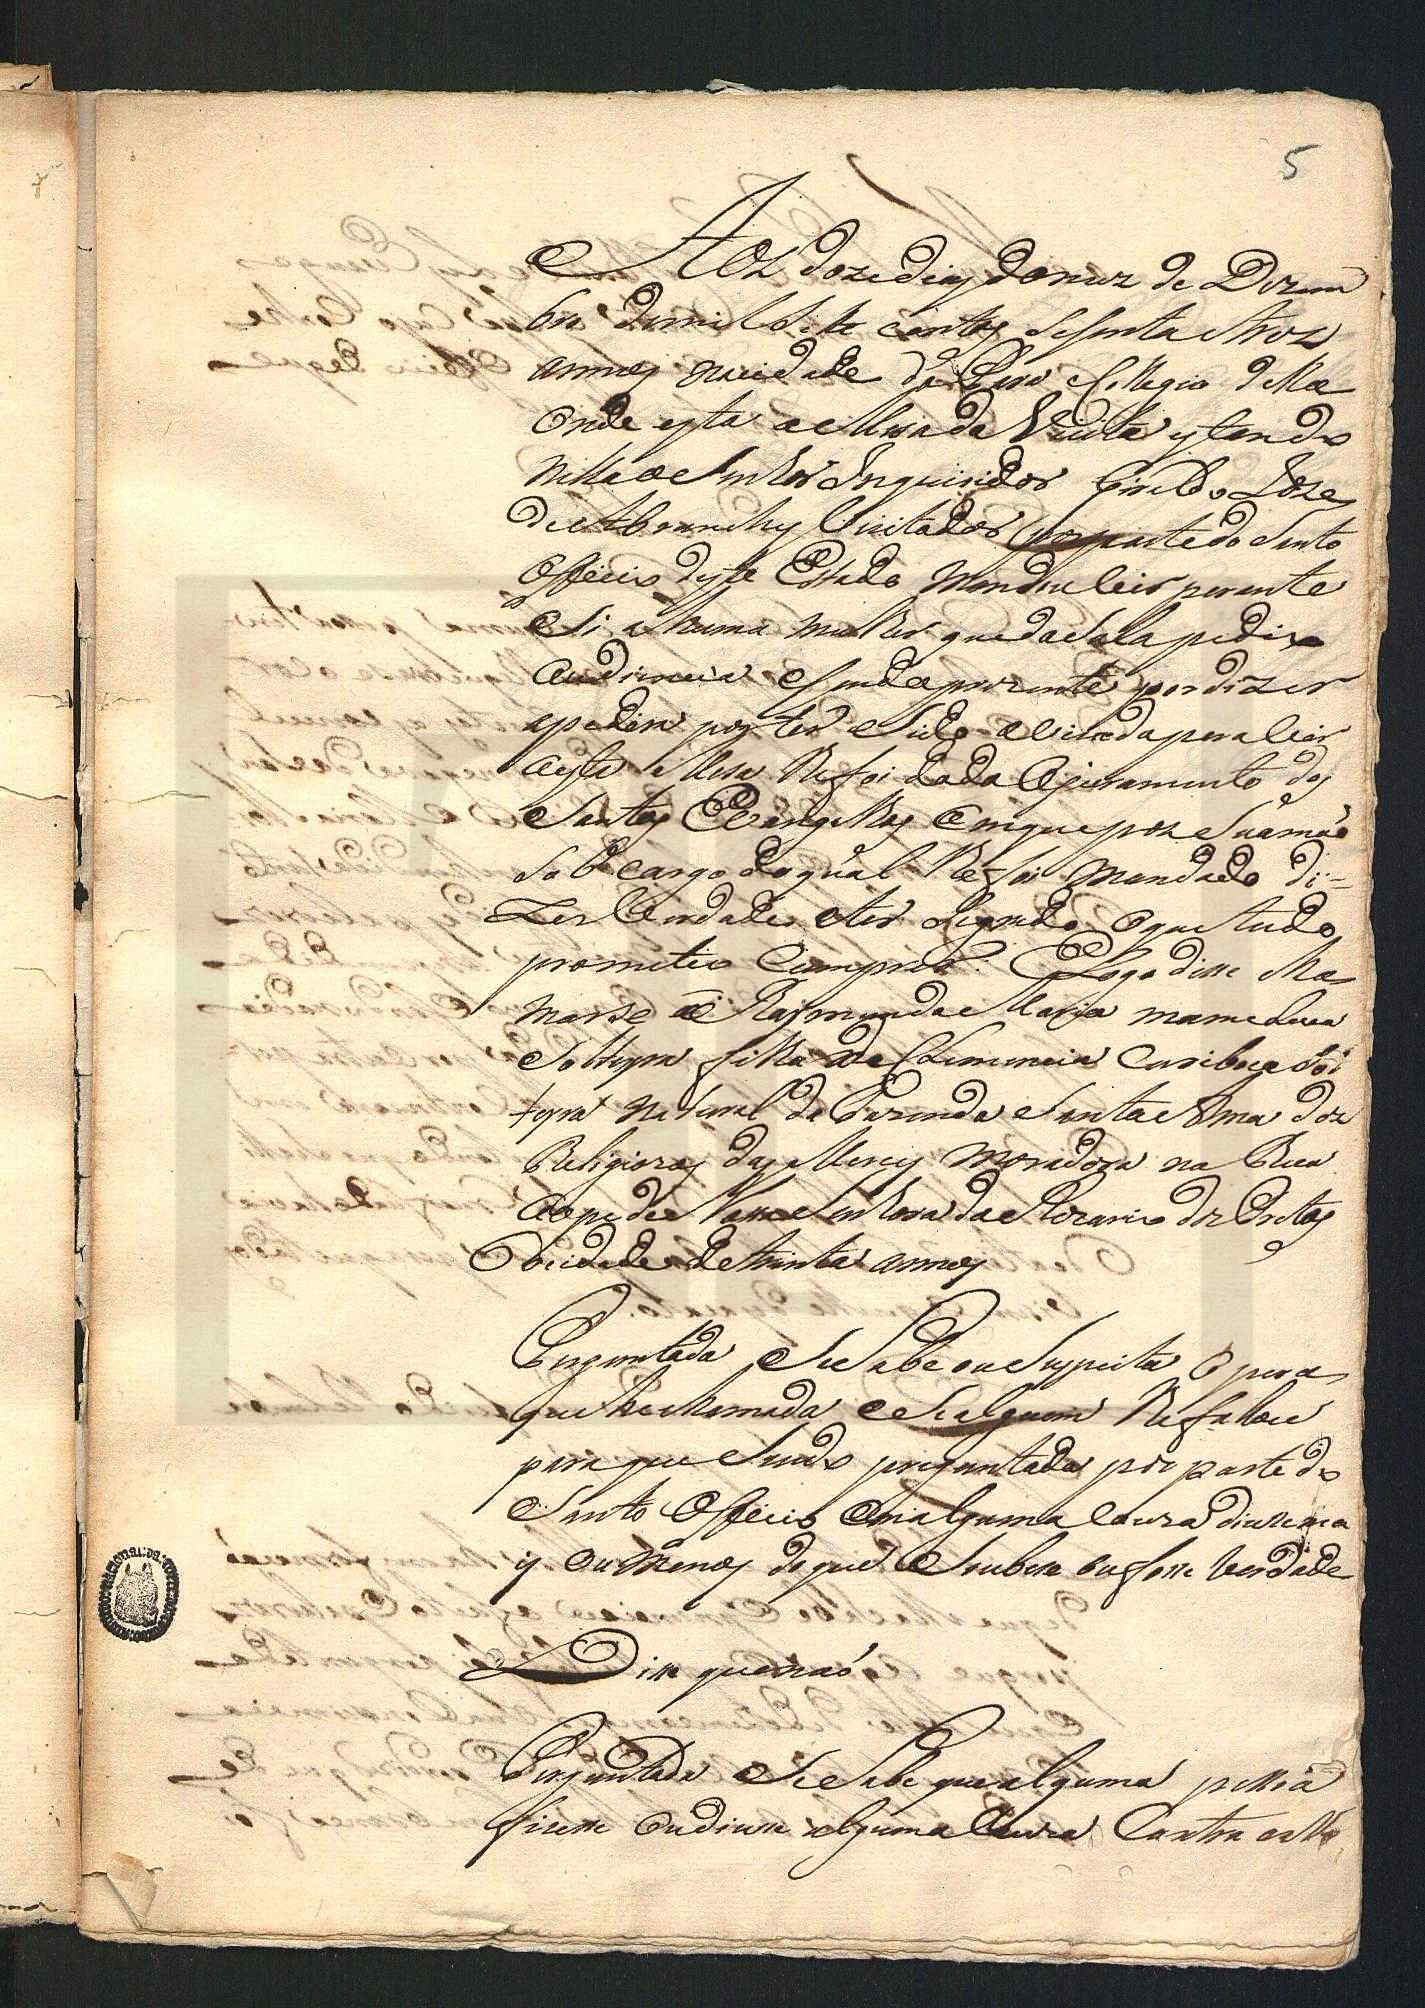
Aoz doze dias do mez de Dezem
bro de mil Setecentos Sesenta e trez
annos na cidade do Para e Collegio della
onde esta a Mesa de Visita estando
nella o Senhor Inquisidor Giraldo Ioze
de Abranches Vizitador por parte do Santo
Officio deste Estado mandou uir perante
Si a huma mulher que da Sala pedia
audiencia e sendo prezente por dizer
a pedira por ter Sido auizada para uir
a esta Mesa lhe foi dado O juramento dos
Santos Evangelhos Em que poz Sua maõ
Sob cargo do qual lhe foi mandado di
Zer Uerdade e ter Segredo o que tudo
prometeo Cumprir E Logo disse cha
marse Raymunda Maria mameLuca
Solteyra filha de CLemencia cariboca Sol
teyra natural da Fazenda Santa Anna doz
Religiozos das Merces moradora na Rua
ao pe de Nossa Senhora do Rozario doz Pretos
de idade de trinta annos
Perguntada Se Sabe ou Suspeita o para
que he chamada e Se alguem lhe falou
para que Sendo preguntada por parte do
Santo Officio em alguma couza dicesse ma
is ou menos do que Soubese ou fosse verdade
Disse que naõ
Perguntada se Sabe que alguma pessoa
fizesse ou dicesse alguma Couza Contra o No
